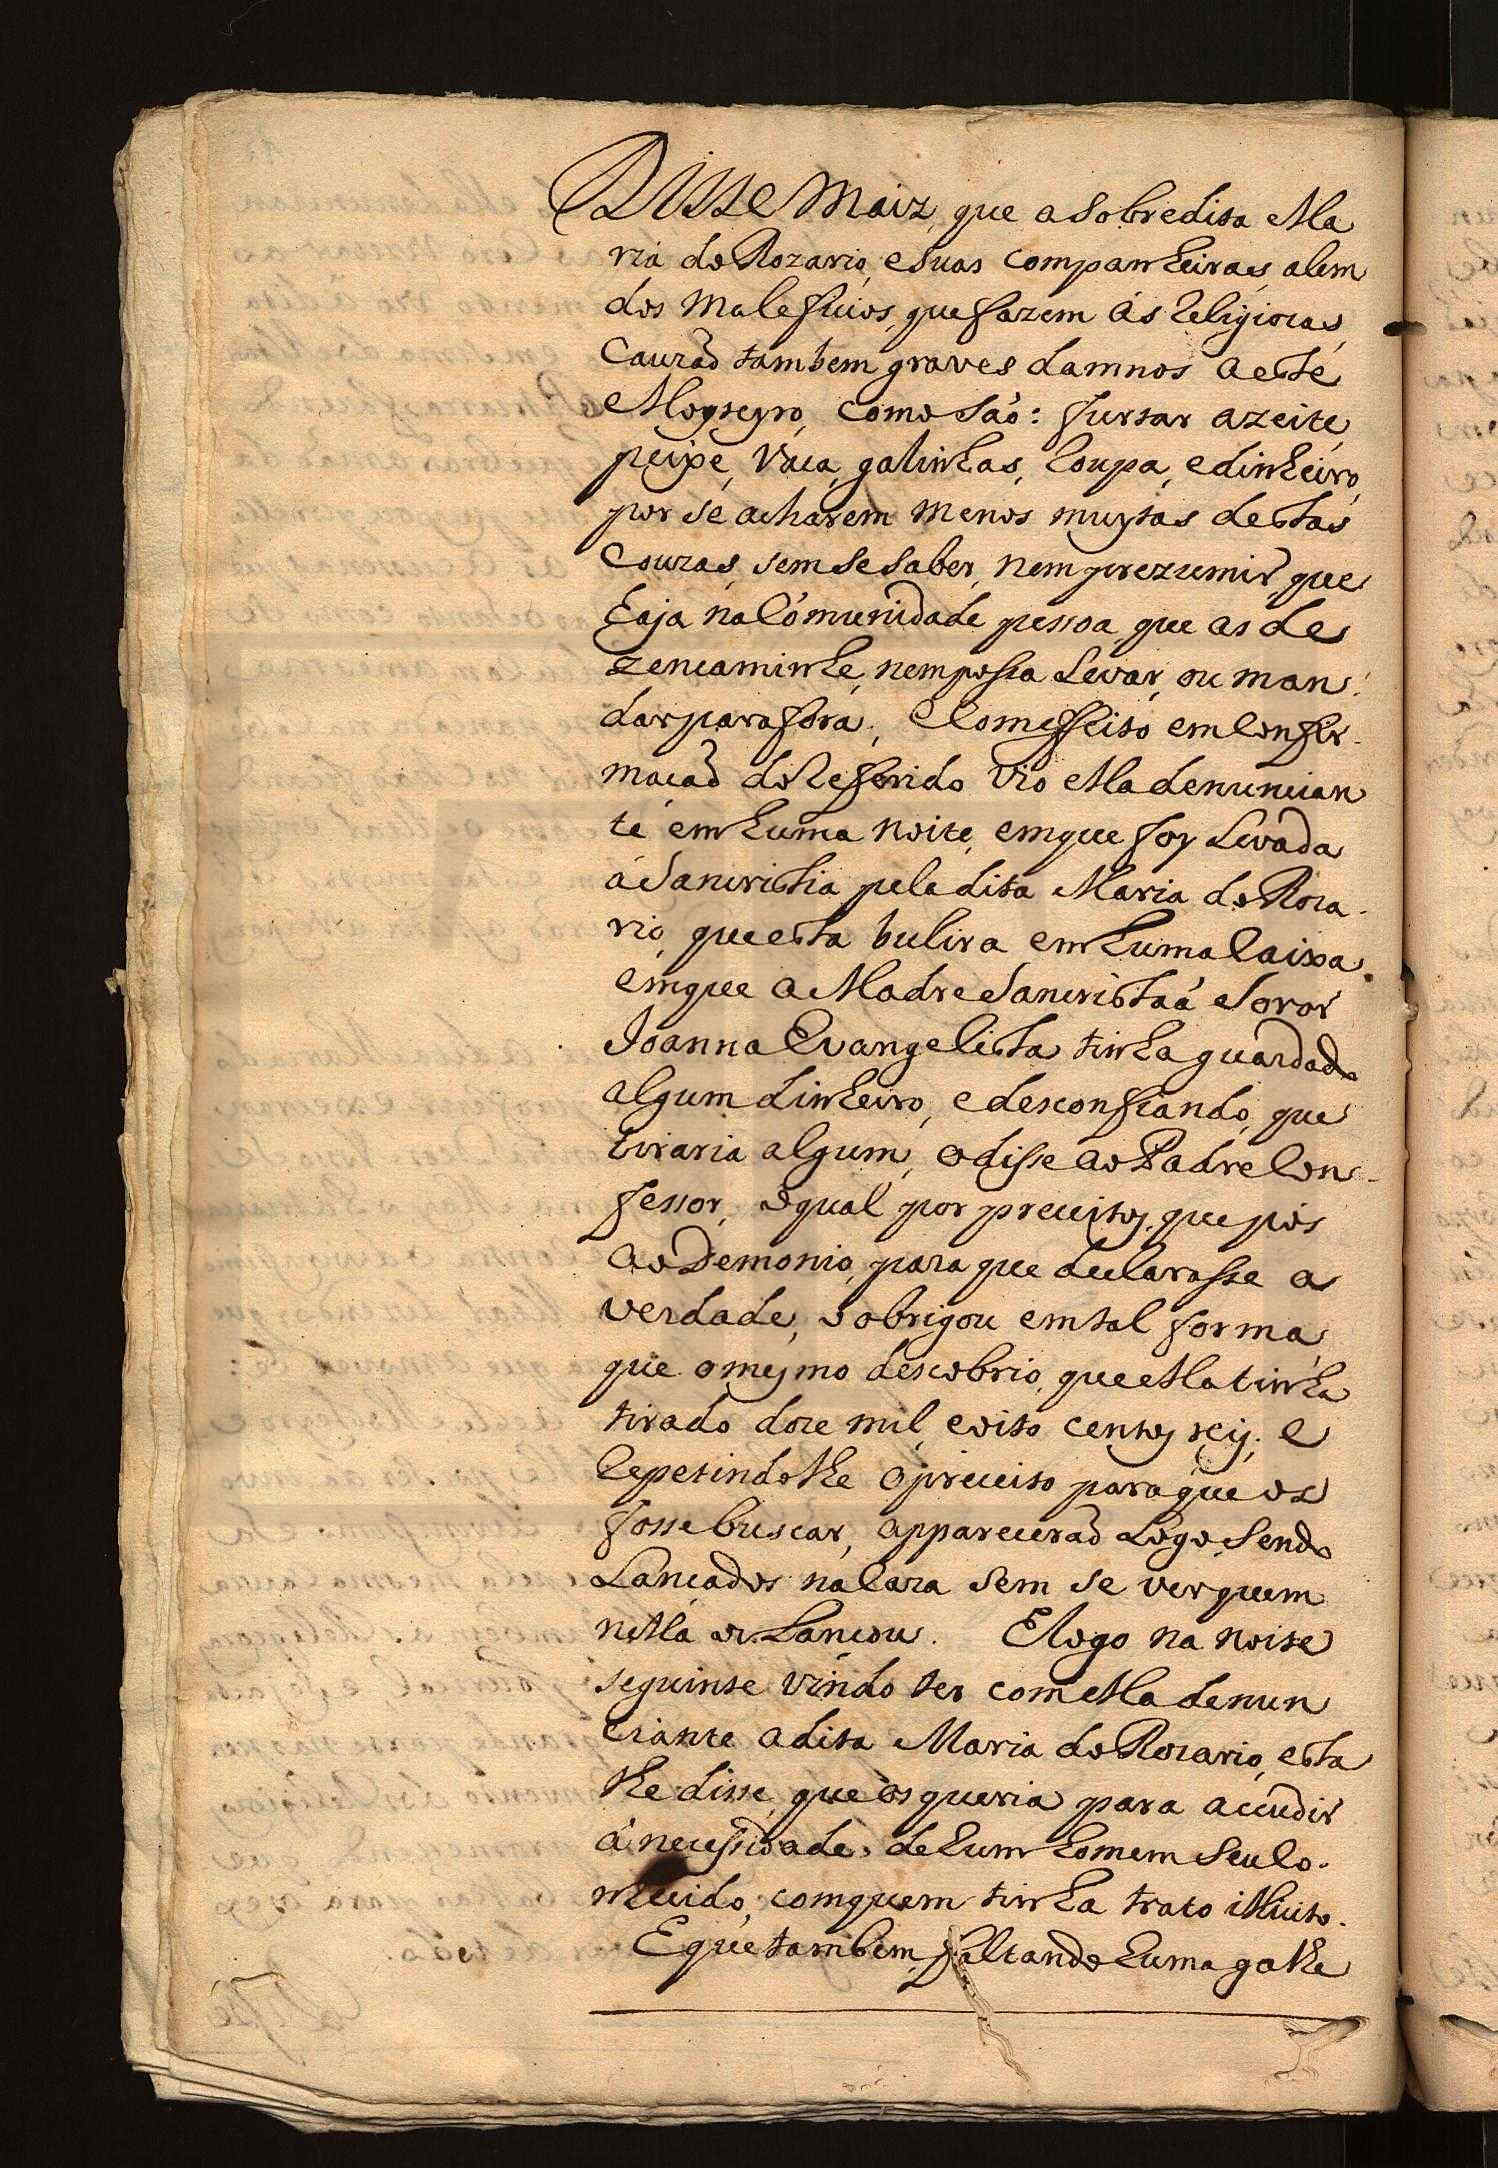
Disse Maiz, que a sobredita Ma
ria do Rozario, e suas companheiras, alem
dos maleficios, que fazem ás Religiozas,
cauzão tambem graves damnos a este
Mosteyro, como saõ: furtar azeite,
peixe, vaca, galinhas, Roupa, e dinheiro,
por se acharem menos muytas destas
couzas, sem se saber, nem prezumir que
haja na Cōmunidade pessoa que as de
zencaminhe, nem possa Levar, ou man
dar para fora, e com effeito em confir
maçaõ do Referido vio ella denuncian
te em huma noite, em que foy Levada
á Sancristia pela dita Maria do Roza
rio, que esta bulira em huma Caixa
em que a Madre Sancristaã Soror
Ioanna Evangelista tinha guardado
algum dinheiro, e desconfiando, que
tiraria algum, o disse ao Padre Con
fessor, o qual por preceitos, que pós
ao Demonio, para que declarasse a
verdade, o obrigou em tal forma,
que o mesmo descobrio, que ella tinha
tirado doze mil, e oitocentos reis; e
Repetindolhe o preceito para que oz
fosse buscar, appareceraõ Logo sendo
Lançados na caza sem se ver quem
nella os Lançou. E logo na noite
seguinte vindo ter com ella denun
ciante a dita Maria do Rozario, esta
lhe disse, que os queria para accudir
á necessidade de hum homem seu Co
nhecido, com quem tinha trato illicito.
E que tambem, faltando huma galhe
